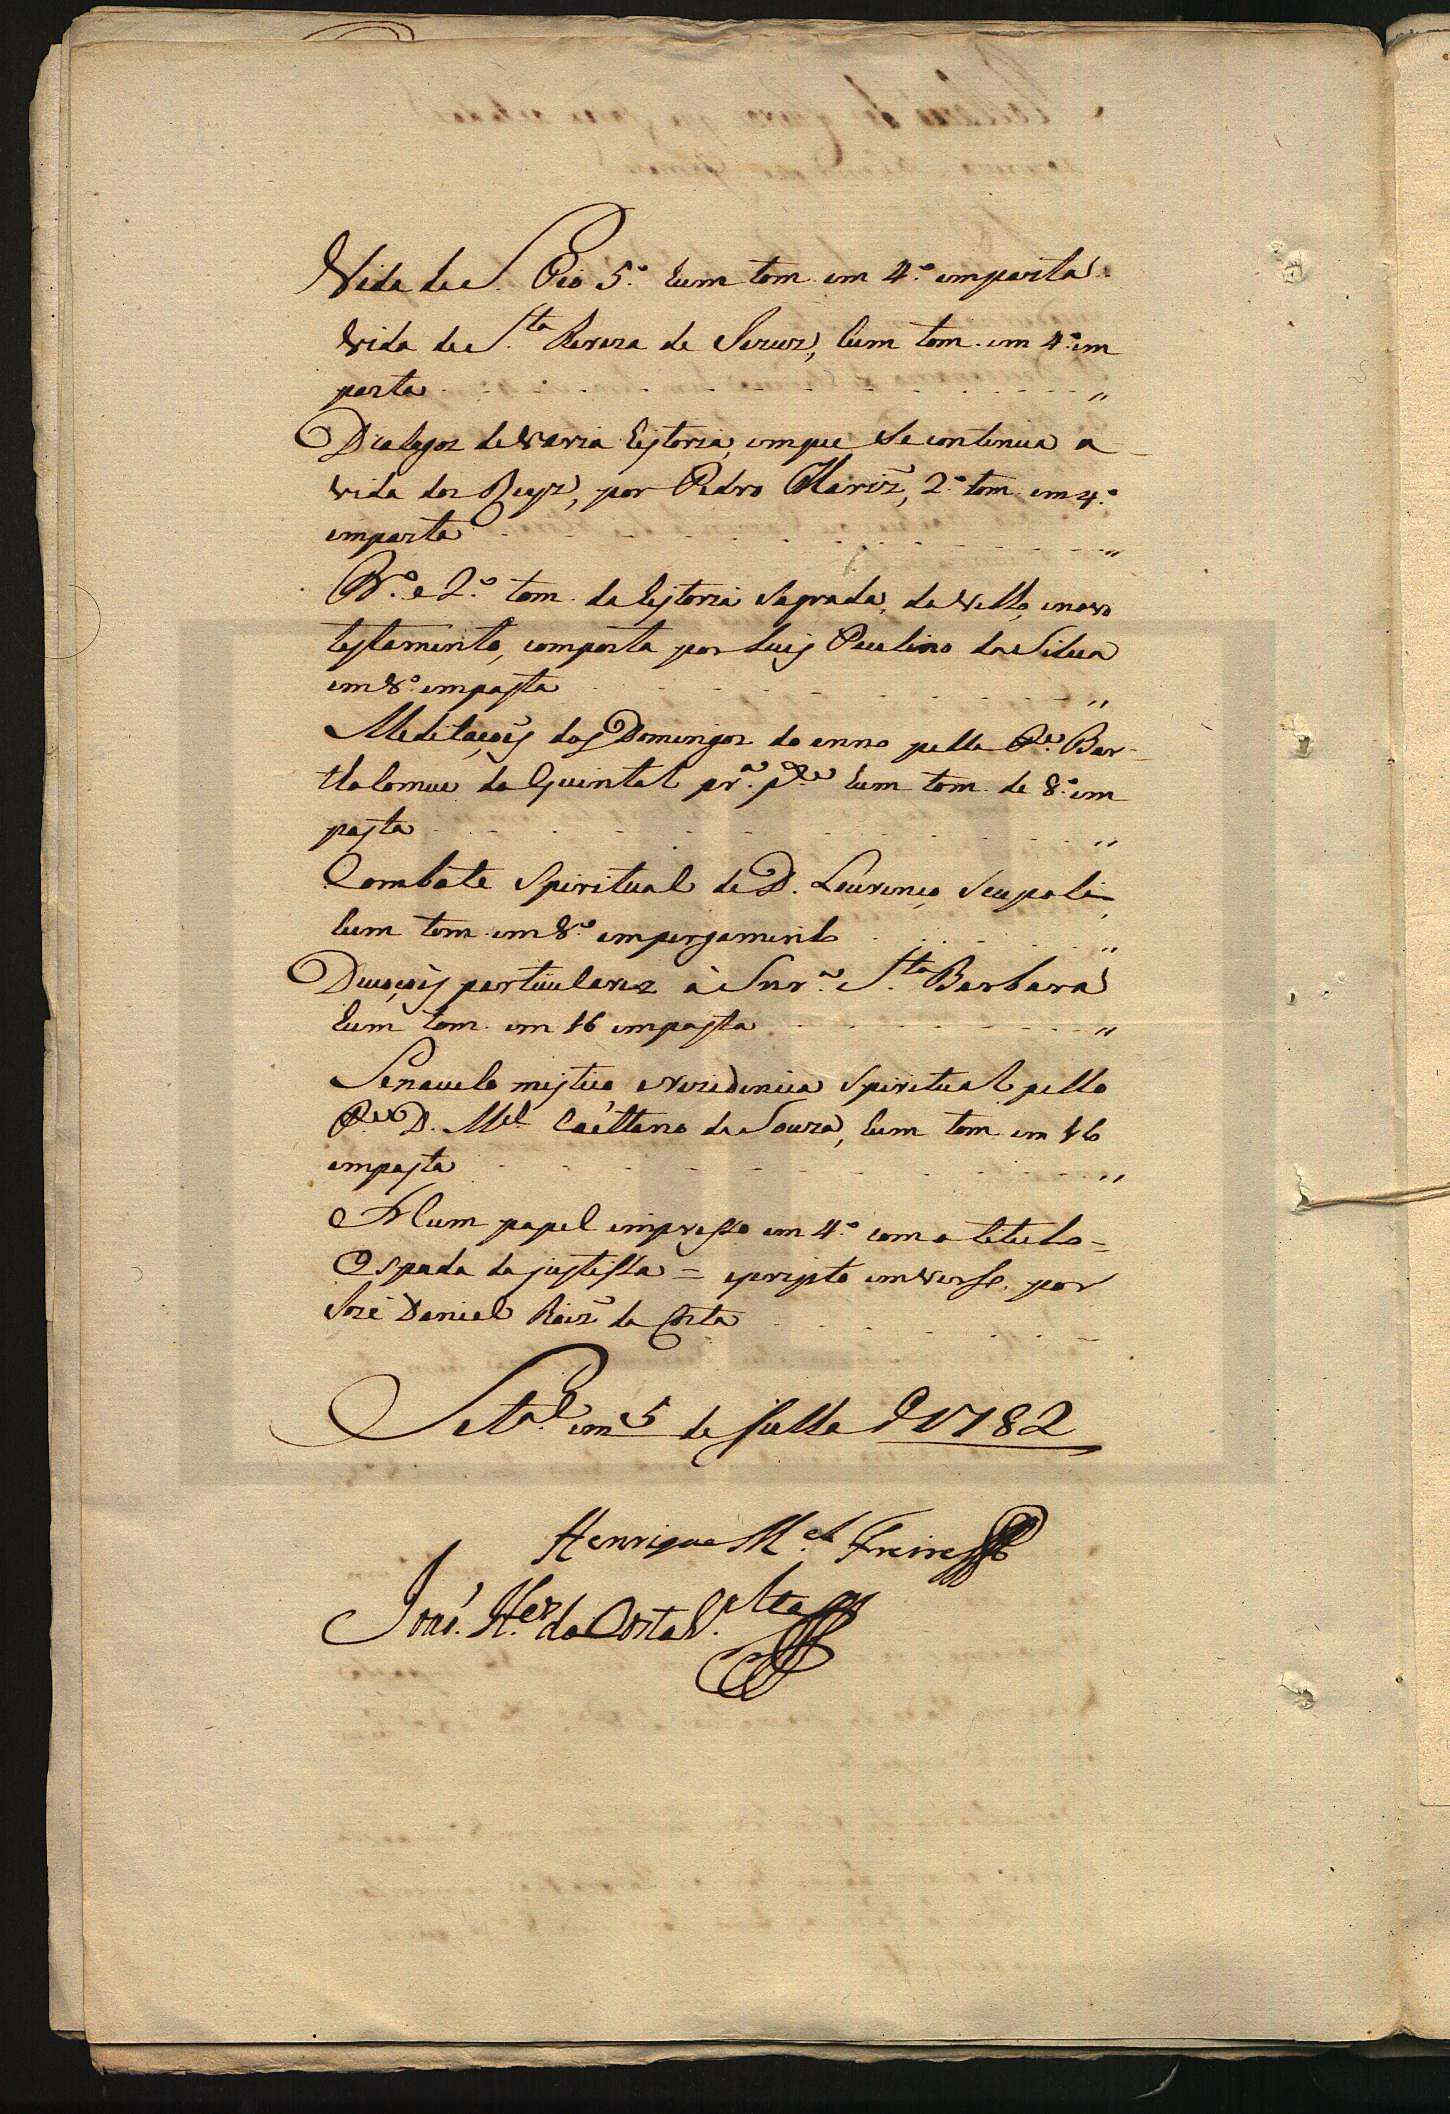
Vida de S Pio 5o. hum tom em 4o. em pazta
Vida de Sta. Thereza de Iezus, hum tom em 4o. em
pazta
Dialogoz de Varia historia, em que se continua a
vida dos Reyz, por Pedro Mariz̄, 2o. tom em 4o.
em pazta
Pro. e 2o. tom da historia Sagrada do Velho, e novo
testamento, composta por Luis Paulino da Silua
em 8o. em pasta
Meditações dos Domingos do anno pello Pe. Bar
tholomeu do Quintal pra. pte. hum tom de 8o. em
pasta
Combate Spiritual de D. Lourenço Scupoli
hum tom em 8o. em pergaminho
Devoções particulares à Snra. Sta. Barbara
hum tom em 16 em pasta
Senaculo mistico, e rezidencia spiritual pello
Pe. D. Mel. Caettano de Souza, hum tom em 16
em pasta
Hum papel impresso em 4.o com o título
Espada da justissa = escripto em verso por
Ioze Daniel Roiz̄ da Costa
Setal. em 5 de julho d̄ 1782
Henrique Mel. Freire
Ioão H.es da Costa V.lte
